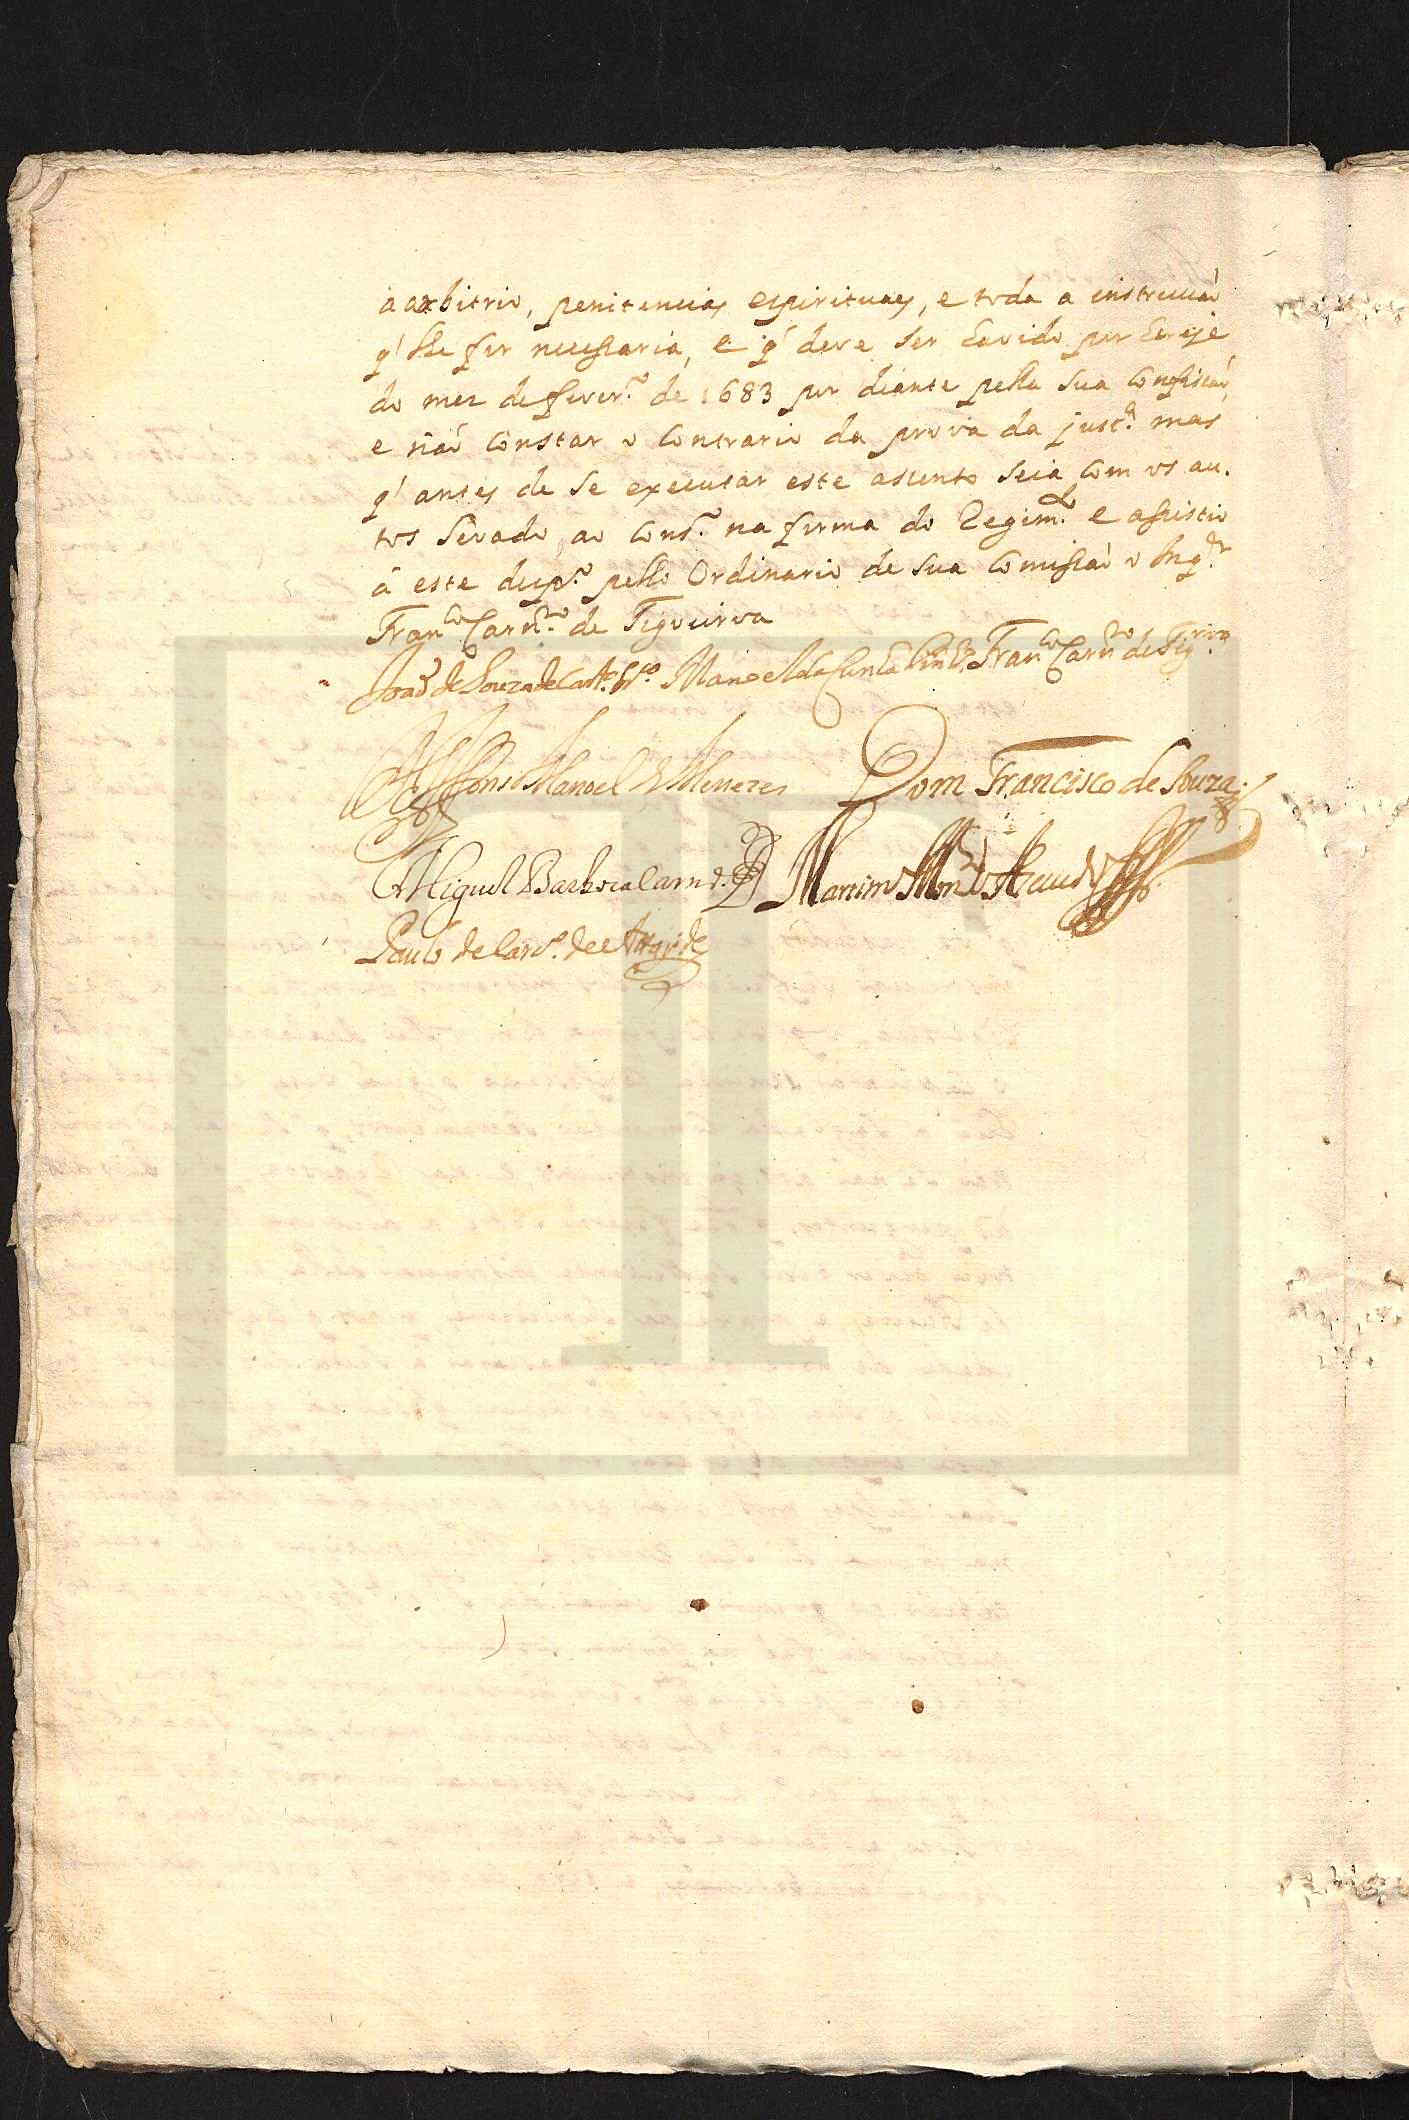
à arbitrio, penitencias espirituaes, e toda a instrucçaõ
q̄ lhe for necessaria, e q̄ deve ser havido por hereje
do mez de fever.o de 1683 por diante pella sua Confissaõ
e naõ constar o contrario da prova da just.a mas
q̄ antes de se executar este assento seia com os au
tos levado ao cons.o na forma do Regim.to e assistio
á este desp.o pello Ordinario de sua Comissaõ o Inq.or
Franco Carn.ro de Figueiroa
Joaõ de Souza de Cast.o br.co
Manoel da Cunha Pinh.o
Franco Carnro de Fig.roa
Affonso Manoel d̄ Menezes
Dom Francisco de souza.
Miguel Barboza Carnr.o
Martim Monro Azeuedo
Paulo de Carv.o de Attayde
